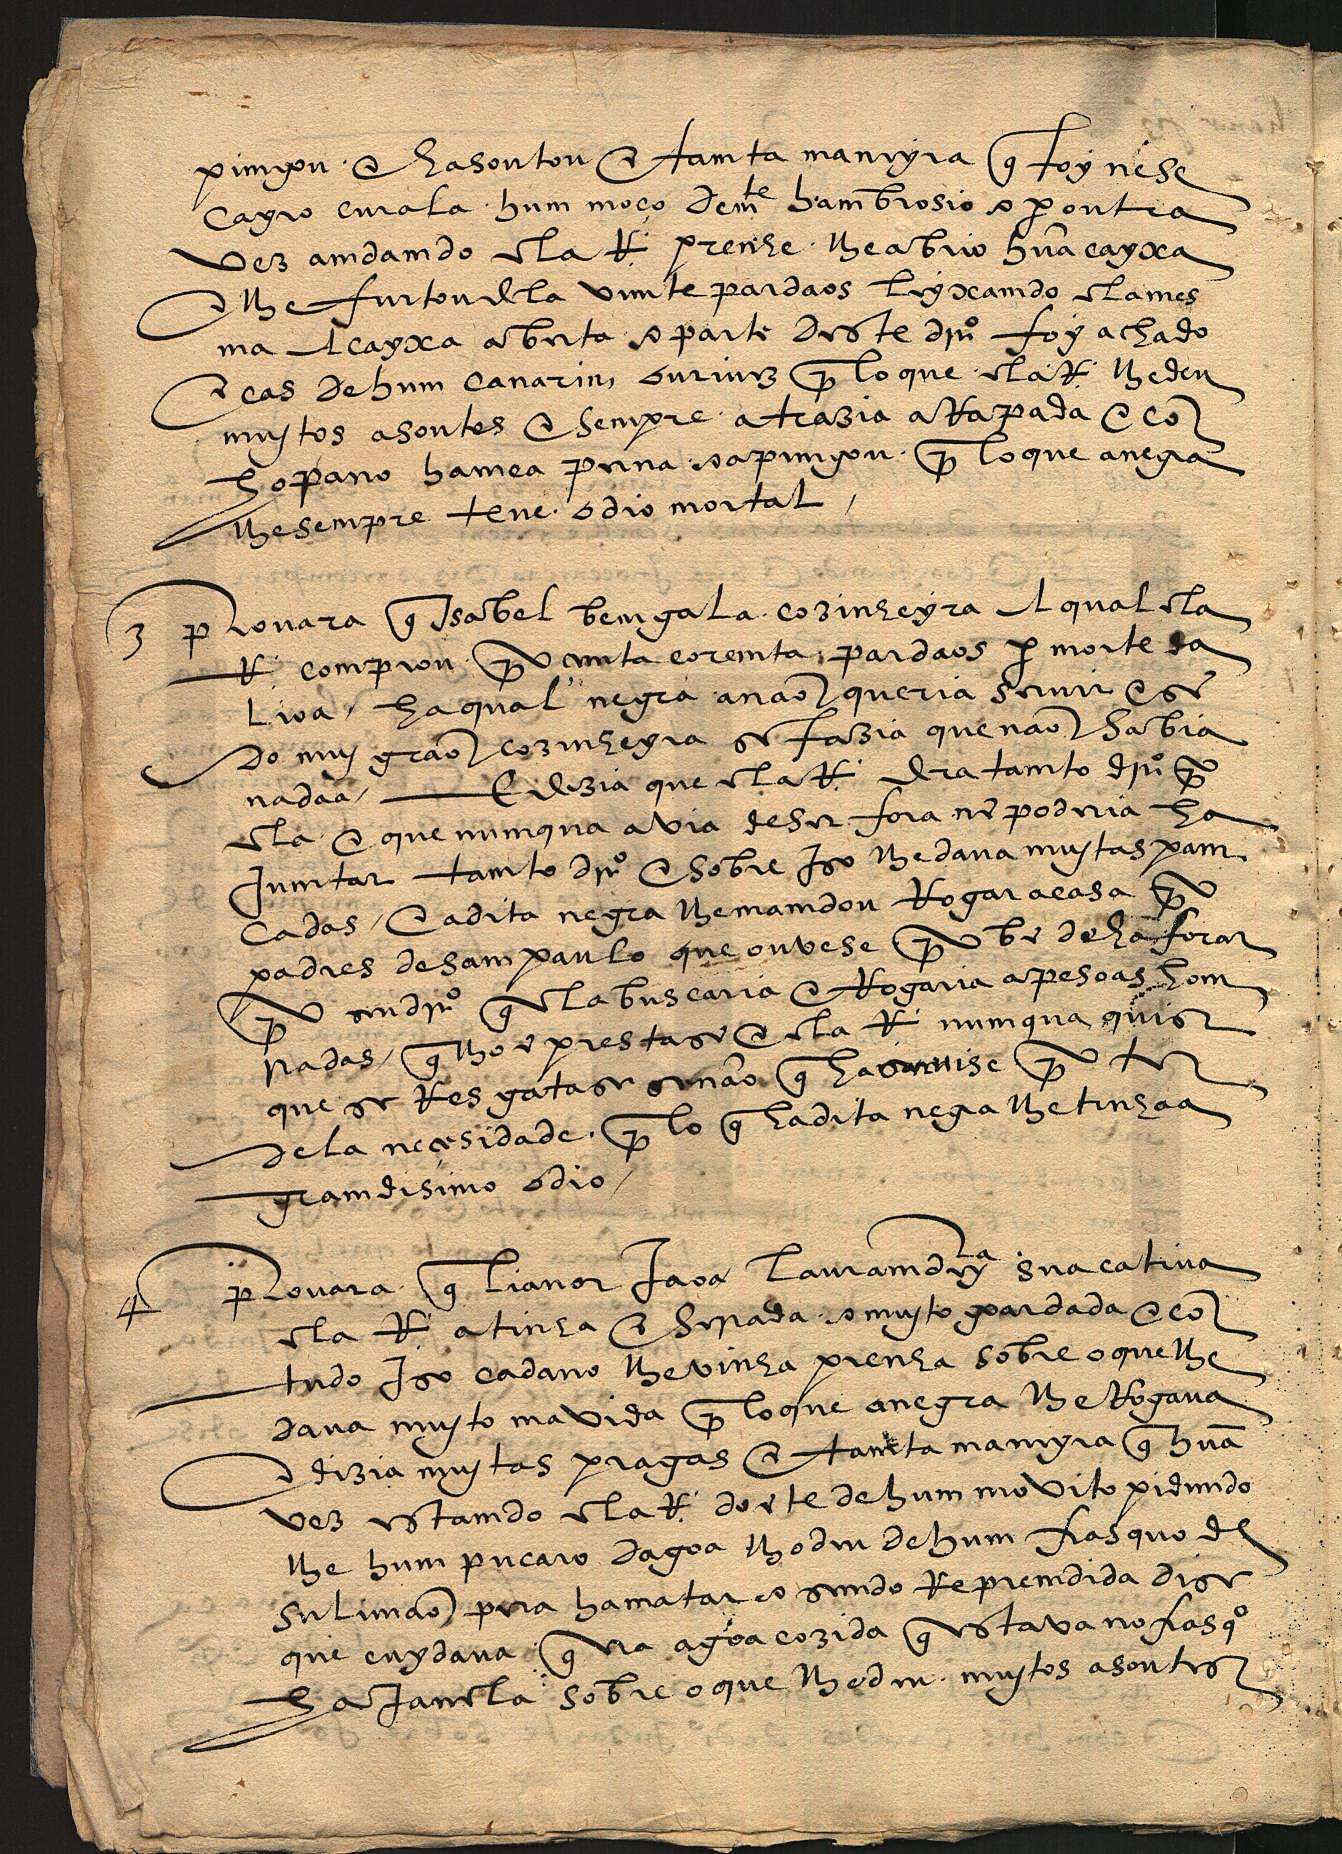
pimgou. e hasoutou ē tamta maneyra q̄ foy nese
cayro curala. hum moço de mte hambrosio e ꝑ outra
vez amdamdo ela R prenhe lhe abrio hūa cayxa
e lhe furtou dela vimte pardaos leyxamdo ela mes
ma A cayxa aberta e parte deste drro foy achado
ē cas de hum canarim ouriuez p̄lo que ela R lhe deu
mujtos asoutes e sempre a trazia aRapada e cō
ho pano ha mea perna e a pimgou. p̄lo que a negra
lhe sempre teue odio mortaL /
prouara q̄ Jsabel bemgaLa cozinheyra A qual ela
R comprou p̄o çemta coremta pardaos ꝑ morte da
Lioa / ha qual negra a naō queria seruir e sē
do muj graõ cozinheyra se fazia que naõ Sabia
nadaa / E dezia que ela R dera tamto drro p̄o
ela e que numqua avia de ser fora nē poderia ha
Jumtar tamto drro e sobre Jso lhe daua mujtas pam
Cadas / e a dita negra lhe mamdou Rogar a casa p̄o
padres de sam paulo que ouvese p̄o bē de ha forar
p̄o seu drro q̄ ela buscaria e Rogaria a pesoas hom
rradas / q̄ lho ēprestasē e ela R numqua quis
que se Resgatase senão q̄ ha seruise p̄o ter
dela neçesidade. p̄lo q̄ ha dita negra lhe tinhaa
gramdisimo odio /
prouara q̄ Lianor Jaoa/ lauramdeyra sua catiua
ela R a tinha ēSerrada e mujto goardada e cō
tudo Jso cadano lhe vinha prenha sobre o que lhe
daua mujto ma vida p̄lo que a negra lhe Rogaua
e dizia mujtas pragas ē tamta maneyra q̄ huā
vez estamdo ela R doēte de hum movito pidimdo
lhe hum pucaro dagoa lho deu de hum frasquo de
Sulimaõ pera ha matar e semdo Repremdida dise
que cuydaua q̄ era agoa cozida q̄ estava no frasqo
ha Janela sobre o que lhe deu mujtos asoutes
